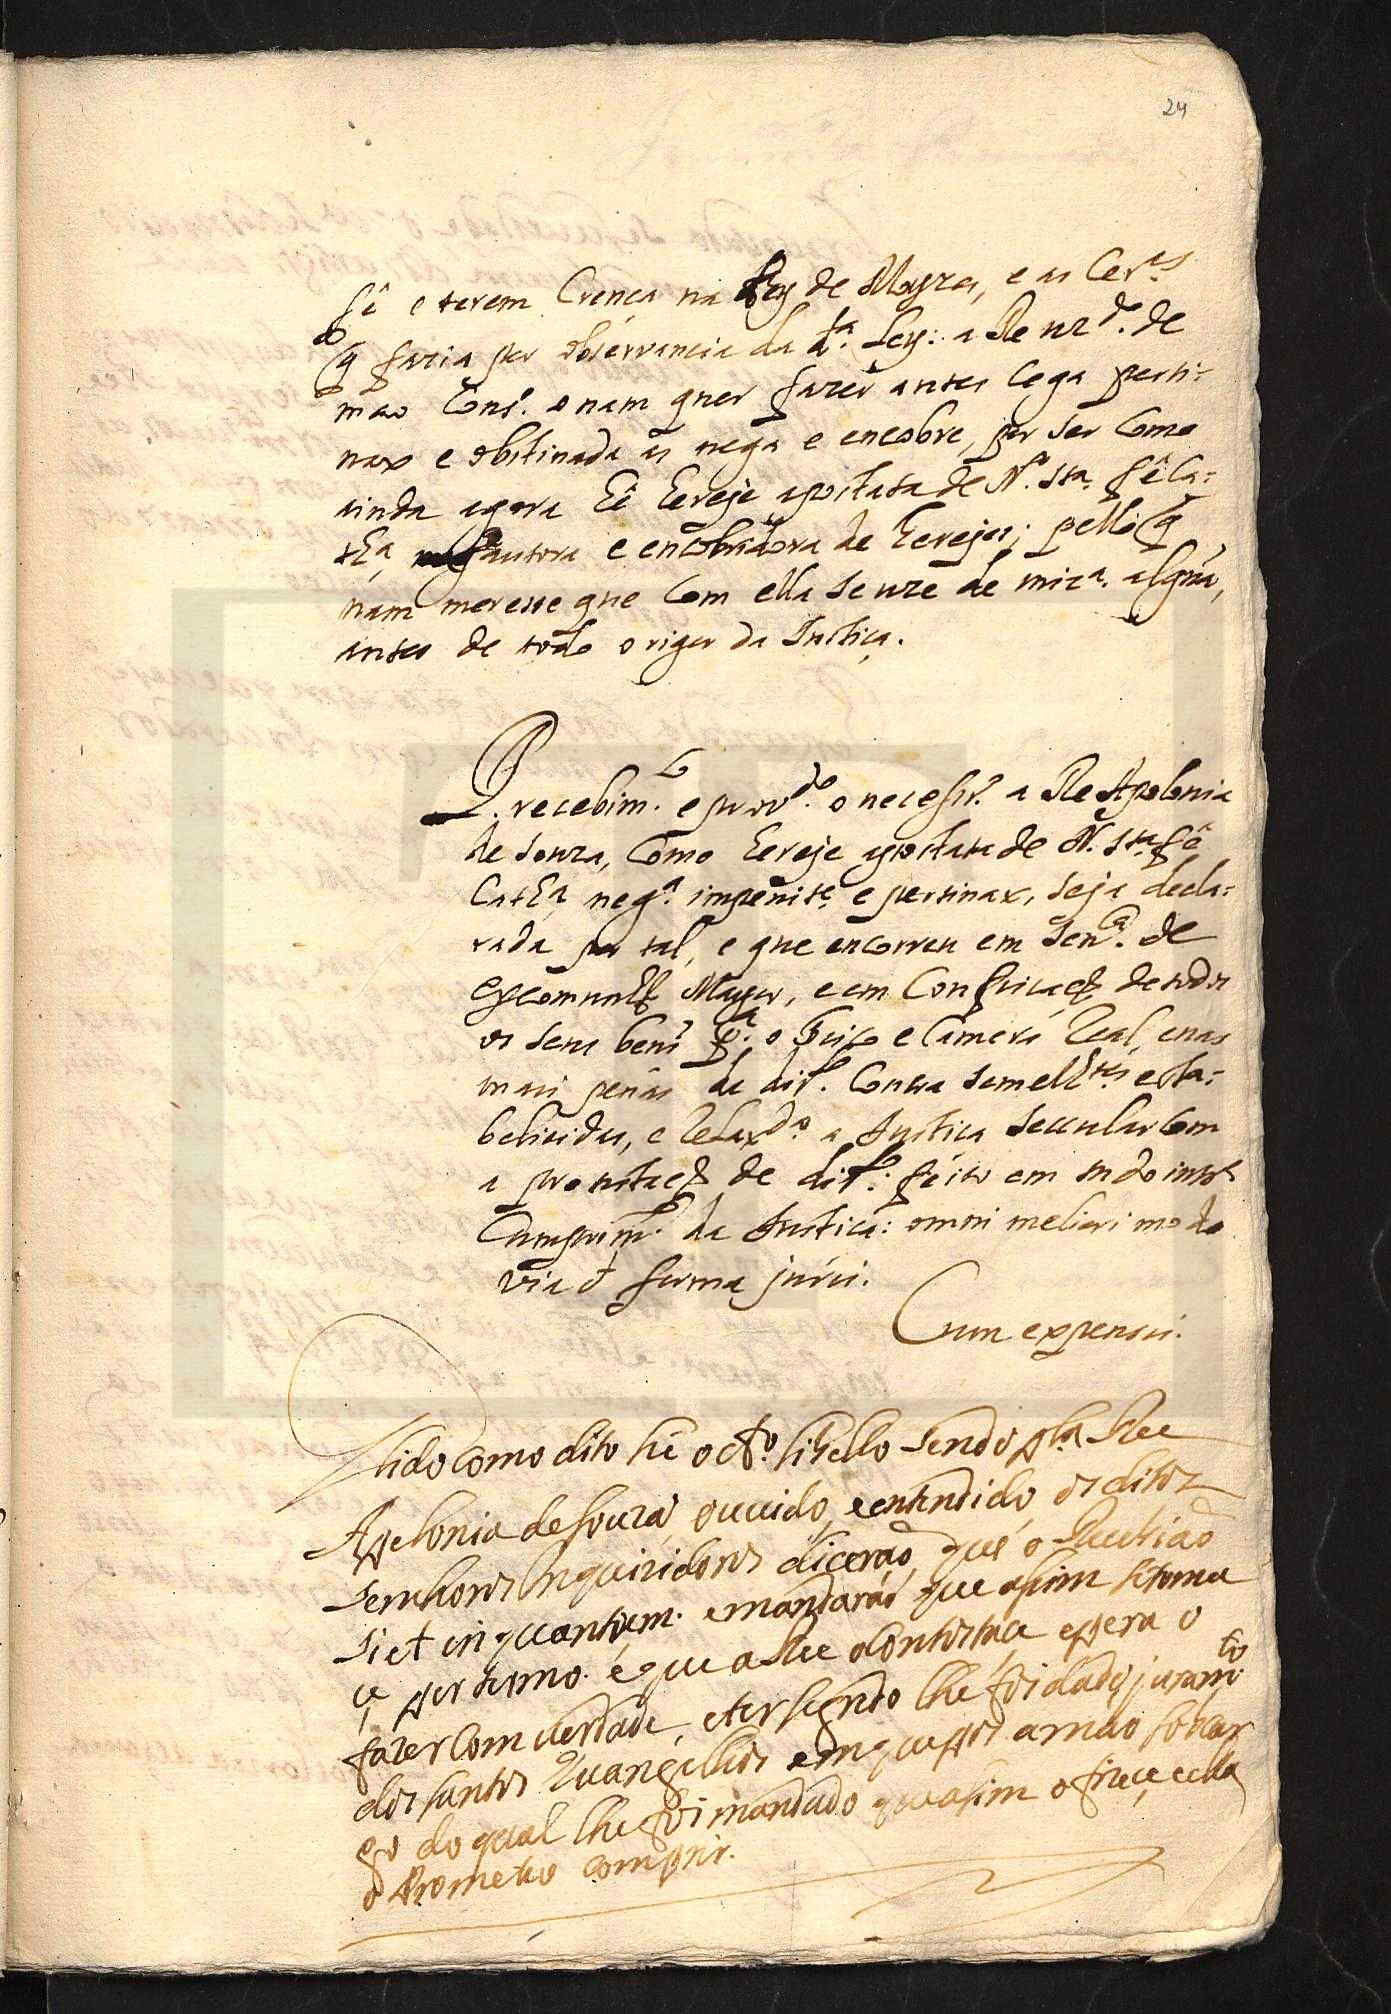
fé, e terem Crença na Ley de Moyzes, e as Cer.as
q̄ fazia por observencia da d̄a. Ley: a Re uzd.o de
mao Cons.o o nam quer fazer antes cega perti
nax e obstinada as nega e encobre, por ser Como
ainda agora hê hereje apostata de N.a sta. fê Ca
tha, _fautora e encobridora de herejes; pello q̄
nam meresse que Com ella se uze de miza. alguā,
antes de todo o rigor da Iustiça.
P. recebim.to e prov.do o necessr.o a Re Apolonia
de souza, Como hereje apostata de N. s.ta fê
Catha, neg.a impenite, e pertinax, seja decla
rada por tal, e que encorreu em sen.ça de
excomunhão Mayor, e em Confiscação de todos
os sens bens̄ p.a o Fisco e Camera Real, e nas
mais penas de dir.to Contra semelh.tes esta
belicidas, e ReLaxd.o a Iustiça seccular com
a protestaçaõ de dir.to feito em tudo intro.
Cumprim.to da Iustiça: omni meliori modo
via et̄ forma juris.
Cum expensis.
E lido como dito hé o d̄.o libello sendo p.la Ree
Apelonia de souza, ouuido, e entendido os ditos
senhores Inquizidores diceraõ, que o Recebiaõ
si et in quantum. e mandarão que assim se toma
çe por termo. e que a Ree o contestace e pera o
fazer com uerdade, e ter segredo lhe foi dado juram.to
dos santos Euangelhos em que pos a mao sob car
go do qual lhe foi mandado que assim o fizeçe e ella
o Prometeo comprir.
